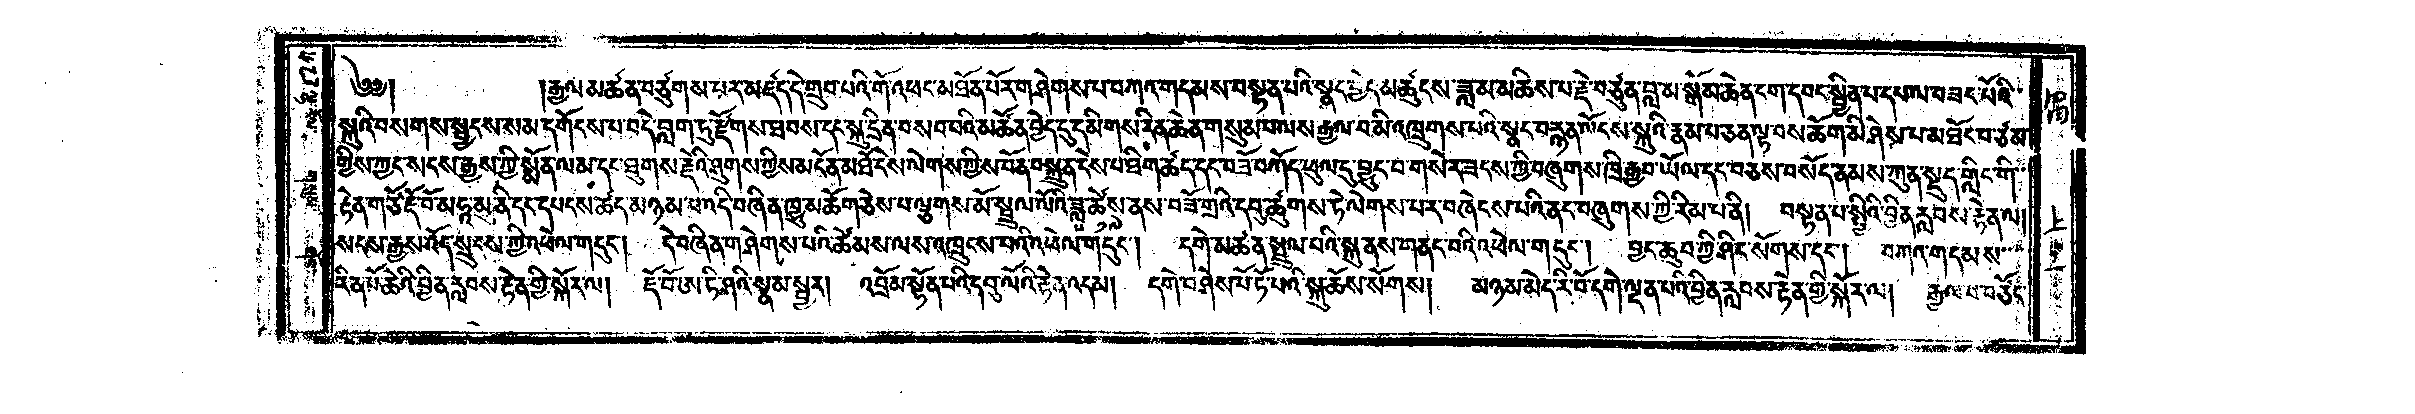༄༅། །རྒྱལ་མཚན་བཙུགས་པར་མཛད་དེ་གྲུབ་པའི་གོ་འཕང་མཐོན་པོར་གཤེགས་པ་བཀའ་གདམས་བསྟན་པའི་སྣང་བྱེད་མཚུངས་ཟླ་མ་མཆིས་པ་རྗེ་བཙུན་བླ་མ་སྒོམ་ཆེན་ངག་དབང་སྦྱིན་པ་དཔལ་བཟང་པོའི་
སྐུའི་བསགས་སྦྱངས་སམ་དགོངས་པ་བདེ་བླག་ཏུ་རྫོགས་ཐབས་དང་སྐུ་དྲིན་བསབ་པའི་མཚོན་བྱེད་དུ་དམིགས་རིན་ཆེན་གསུམ་པ་ལས་རྒྱལ་བ་མི་འཁྲུགས་པའི་སྣང་བརྙན་ལོངས་སྐུའི་རྣམ་པ་ཅན་ལྟ་བས་ཆོག་མི་ཤེས་པ་མཐོང་བ་ཙམ་
གྱིས་ཀྱང་སངས་རྒྱས་ཀྱི་སྨོན་ལམ་དང་ཐུགས་རྗེའི་ཤུགས་ཀྱིས་མངོན་མཐོ་ངེས་ལེགས་ཀྱི་ས་བོན་བསྐྲུན་ངེས་པ་ཐིག་ཚད་དང་བཟོ་བཀོད་ཕུལ་དུ་བྱུང་བ་གསེར་ཟངས་ཀྱི་བཞུགས་ཁྲི་རྒྱབ་ཡོལ་དང་བཅས་བསོད་ནམས་ཀུན་སྡུད་གླིང་གི་
རྟེན་གཙོ་ཇོ་བོ་མཧཱ་མུ་ནི་དང་དཔངས་ཚད་མཉམ་པ་འདི་བཞིན་ཁྱུ་མཆོག་ཅེས་པ་ལྕགས་མོ་སྦྲུལ་ལོའི་ཟླ ༥་ཚེས ༡༧་ནས་བཟོ་གྲའི་དབུ་ཚུགས་ཏེ་ལེགས་པར་བཞེངས་པའི་ནང་བཞུགས་ཀྱི་རིམ་པ་ནི། བསྟན་པ་སྤྱིའི་བྱིན་རླབས་རྟེན་ལ།
སངས་རྒྱས་འོད་སྲུངས་ཀྱི་འཕེལ་གདུང་། དེ་བཞིན་གཤེགས་པའི་ཚེམས་ལས་འཁྲུངས་པའི་འཕེལ་གདུང་། དགེ་མཚན་སྤྲུལ་བའི་སྐུ་ནས་གནང་བའི་འཕེལ་གདུང་། བྱང་ཆུབ་ཀྱི་ཤིང་སོགས་དང་། བཀའ་གདམས་
རིན་པོ་ཆེའི་བྱིན་རླབས་རྟེན་གྱི་སྐོར་ལ། ཇོ་བོ་ཨ་ཏི་ཤེའི་སྣམ་སྦྱར། འབྲོམ་སྟོན་པའི་དབུ་ལོའི་རྟེན་འདམ། དགེ་བཤེས་པོ་ཏོ་པའི་སྐུ་ཆོས་སོགས། མཉམ་མེད་རི་བོ་དགེ་ལྡན་པའི་བྱིན་རླབས་རྟེན་གྱི་སྐོར་ལ། རྒྱལ་བ་བཙོང་